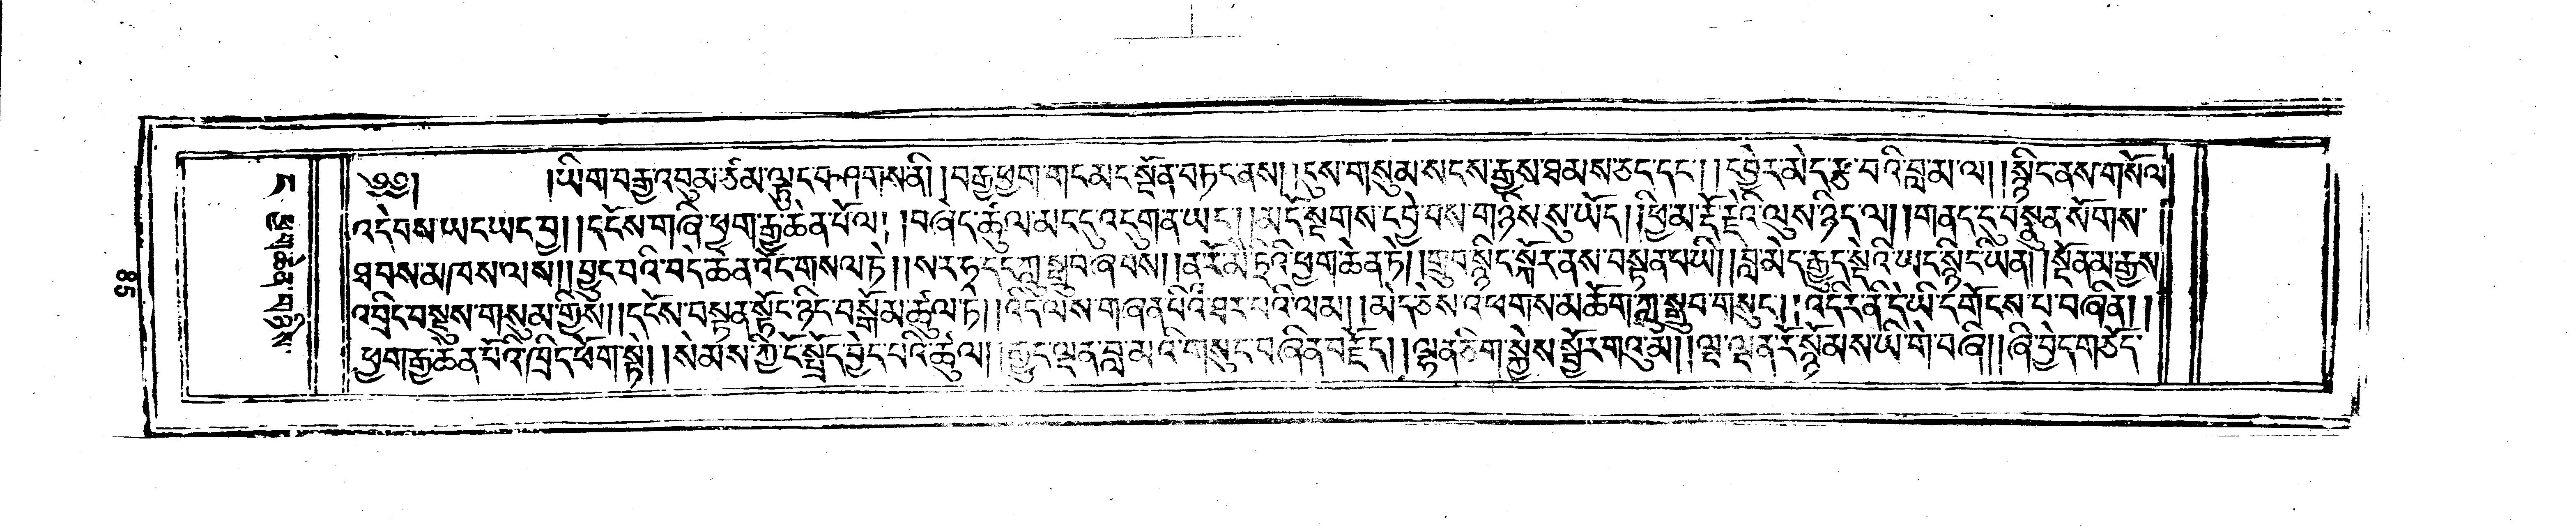༄༅། །ཡིག་བརྒྱ་འབུམ་ཙམ་ལྟུང་བཤགས་ནི། །བརྒྱ་ཕྱག་གང་མང་སྔོན་བཏང་ནས། །དུས་གསུམ་སངས་རྒྱས་ཐམས་ཅད་དང་། །དབྱེར་མེད་རྩ་བའི་བླ་མ་ལ། །སྙིང་ནས་གསོལ་
འདེབས་ཡང་ཡང་བྱ། །དངོས་གཞི་ཕྱག་རྒྱ་ཆེན་པོ་ལ། །བཞེད་ཚུལ་མང་དུ་འདུག་ན་ཡང་། །མདོ་སྔགས་དབྱེ་བས་གཉིས་སུ་ཡོད། །ཕྱི་མ་རྡོ་རྗེའི་ལུས་ཉིད་ལ། །གནད་དུ་བསྣུན་སོགས་
ཐབས་མཁས་ལས། །བྱུང་བའི་བདེ་ཆེན་འོད་གསལ་ཏེ། །ས་ར་ཧ་དང་ཀླུ་སྒྲུབ་ཞབས། །ནཱ་རོ་མཻ་ཏྲིའི་ཕྱག་ཆེན་ཏེ། །གྲུབ་སྙིང་སྐོར་ནས་བསྟན་པ་ཡི། །བླ་མེད་རྒྱུད་སྡེའི་ཡང་སྙིང་ཡིན། །སྔོན་མ་རྒྱས་
འབྲིང་བསྡུས་གསུམ་གྱིས། །དངོས་བསྟན་སྟོང་ཉིད་བསྒོམ་ཚུལ་ཏེ། །འདི་ལས་གཞན་པའི་ཐར་པའི་ལམ། །མེད་ཅེས་འཕགས་མཆོག་ཀླུ་སྒྲུབ་གསུང་། །འདིར་ནི་དེ་ཡི་དགོངས་པ་བཞིན། །
ཕྱག་རྒྱ་ཆེན་པོའི་ཁྲིད་ཕོག་སྟེ། །སེམས་ཀྱི་ངོ་སྤྲོད་བྱེད་པའི་ཚུལ། །རྒྱུད་ལྡན་བླ་མའི་གསུང་བཞིན་བརྗོད། །ལྷན་ཅིག་སྐྱེས་སྦྱོར་གའུ་མ། །ལྔ་ལྡན་རོ་སྙོམས་ཡི་གེ་བཞི། །ཞི་བྱེད་གཅོད་